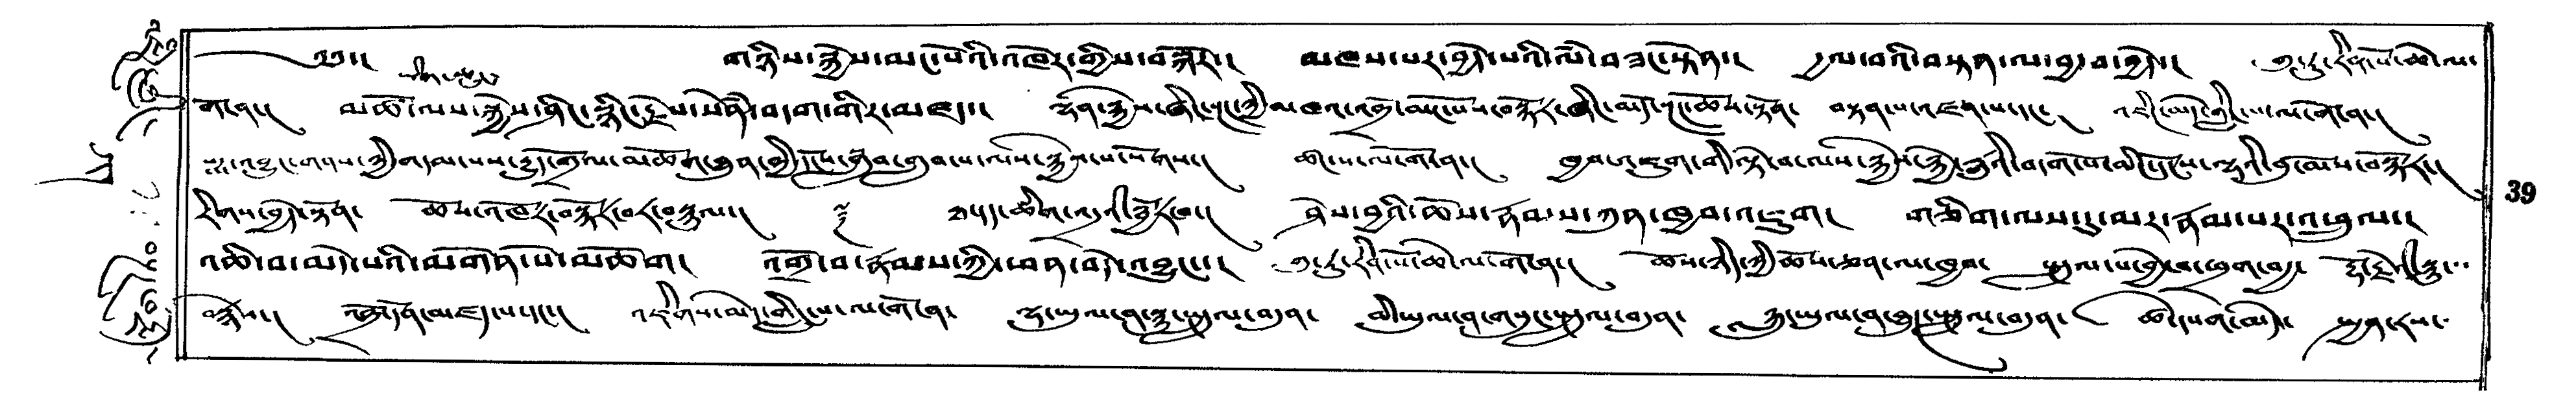གཉིས་སྐྱེས་མང་པོའི་འཁོར་གྱིས་བསྐོར། །མཁས་པར་བྱེད་པའི་ལམ་བཟང་སྟོན། །རྒྱལ་བའི་བསྟན་ལ་བྱ་བ་བྱེད། ། གུ་རུ་རིན་པོ་ཆེ་ལ་
གོ་ན། མཚོ་ལས་སྐྱེས་ཤིང་སྙིང་རྗེས་སེམས་ཅན་བདག་གིར་མཛད། ལྷན་སྐྱེས་ཞིང་སྔགས་ཀྱི་མཁའ་འགྲོ་མང་པོས་བསྐོར་ཞིང་མདོ་སྔགས་ཀྱི་ཆོས་སྟོན། བསྟན་པ་འཛིན་པ་དང་། འཇིགས་མེད་གླིང་པ་ལ་གོ་ན། 
པདྨ་འབྱུང་གནས་ཀྱི་གདམས་པས་རྒྱུད་གྲོལ་མཆོག་ཐུན་གྱི་དངོས་གྲུབ་བསྒྲུབས་པ་ལས་སྐྱེས་པ་སོགས། ཚངས་པ་ལ་གོ་ན། ཁྱབ་འཇུག་གི་ལྟེ་བ་ལས་སྐྱེས་སྐྱེ་དགུའི་བདག་པོ་མིང་དངོས་ལྷའི་བུ་མོས་བསྐོར། 
རིག་བྱེད་སྟོན། ཆོས་འཁོར་བསྐོར་བར་བསྐུལ། ༈ ཐ་དད་ཚིག་འདྲའི་སྦྱོར་བ། ཤེས་བྱའི་ཆོས་རྣམས་ཀུན་ཁྱབ་འཇུག །གཅིག་ལས་དུ་མར་རྣམ་པར་འཕྲུལ། །
འཆི་བ་མེད་པའི་མགོན་པོ་མཆོག །འགྲོ་བ་རྣམས་ཀྱི་ཕན་བདེ་འབྱུང་། ། གུ་རུ་རིན་པོ་ཆེ་ལ་གོ་ན། ཆོས་ཉིད་ཀྱིས་ཆོས་ཅན་ལ་ཁྱབ། སྤྲུལ་པ་བྱེ་བ་ཕྲག་བརྒྱ། རྡོ་རྗེའི་སྐུ་
བརྙེས། འགྲོ་དོན་མཛད་པ་དང་། འཇིགས་མེད་གླིང་པ་ལ་གོ་ན། ལྷ་ཡུལ་ན་སྐུ་སྤྲུལ་བདུན། མི་ཡུལ་ན་གསུང་སྤྲུལ་བདུན། ཀླུ་ཡུལ་ན་ཐུགས་སྤྲུལ་བདུན། ཚེ་དཔག་མེད། སྤྱན་རས་